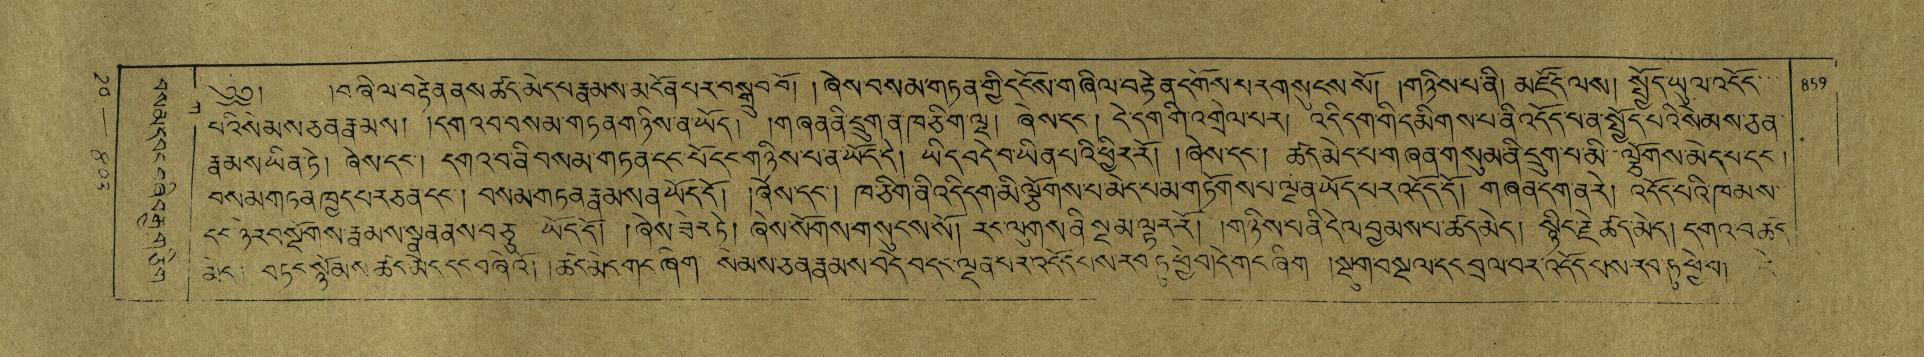༄༅། །བཞི་ལ་བརྟེན་ནས་ཚད་མེད་པ་རྣམས་མངོན་པར་བསྒྲུབ་བོ། །ཞེས་བསམ་གཏན་གྱི་དངོས་གཞི་ལ་བརྟེན་དགོས་པར་གསུངས་སོ། །གཉིས་པ་ནི། མཛོད་ལས། སྤྱོད་ཡུལ་འདོད་
པའི་སེམས་ཅན་རྣམས། །དགའ་བ་བསམ་གཏན་གཉིས་ན་ཡོད། །གཞན་ནི་དྲུག་ན་ཁ་ཅིག་ལྔ། ཞེས་དང་། དེ་དག་གི་འགྲེལ་པར། འདི་དག་གི་དམིགས་པ་ནི་འདོད་པ་ན་སྤྱོད་པའི་སེམས་ཅན་
རྣམས་ཡིན་ཏེ། ཞེས་དང་། དགའ་བ་ནི་བསམ་གཏན་དང་པོ་དང་གཉིས་པ་ན་ཡོད་དེ། ཡིད་བདེ་བ་ཡིན་པའི་ཕྱིར་རོ། །ཞེས་དང་། ཚད་མེད་པ་གཞན་གསུམ་ནི་དྲུག་པ་མི་ལྕོགས་མེད་པ་དང་།
བསམ་གཏན་ཁྱད་པར་ཅན་དང་། བསམ་གཏན་རྣམས་ན་ཡོད་དོ། །ཞེས་དང་། ཁ་ཅིག་ནི་འདི་དག་མི་ལྕོགས་པ་མེད་པ་མ་གཏོགས་པ་ལྔ་ན་ཡོད་པར་འདོད་དོ། །གཞན་དག་ན་རེ། འདོད་པའི་ཁམས་
དང་ཉེར་བསྔོགས་རྣམས་སྣང་ནས་བཅུ་ཡོད་དོ། །ཞེས་ཟེར་ཏེ། ཞེས་སོགས་གསུངས་སོ། རང་ལུགས་ནི་སྔ་མ་ལྟར་རོ། །གཉིས་པ་ནི་དེ་ལ་བྱམས་པ་ཚད་མེད། སྙིང་རྗེ་ཚད་མེད། དགའ་བ་ཚད་
མེད། བཏང་སྙོམས་ཚད་མེད་དང་བཞིའོ། །ཚད་མེད་གང་ཞིག་སེམས་ཅན་རྣམས་བདེ་བ་དང་ལྡན་པར་འདོད་པས་རབ་ཏུ་ཕྱེ་བ། དེ་གང་ཞིག །སྡུག་བསྔལ་དང་བྲལ་བར་འདོད་པས་རབ་ཏུ་ཕྱེ་བ། དེ་